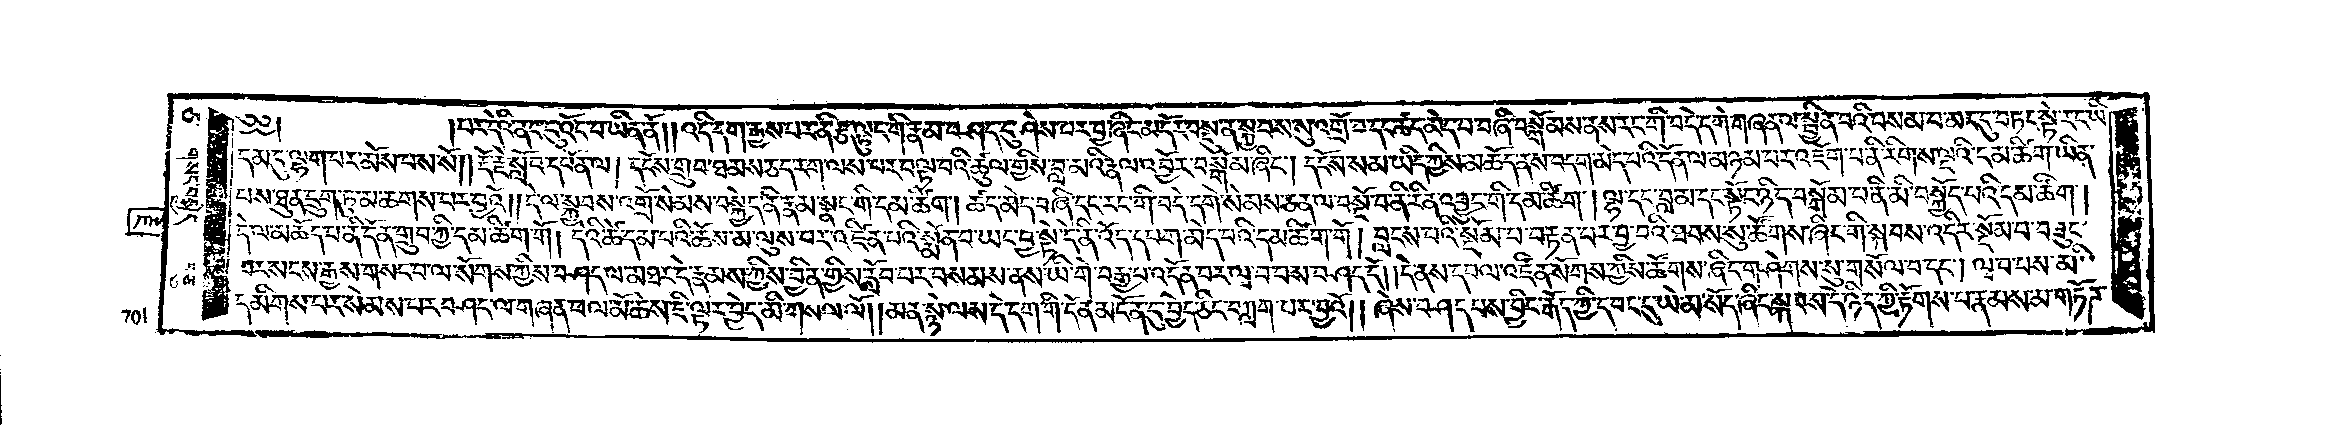༄༅། །པར་དེའི་ནང་དུ་འོང་བ་ཡིན་ནོ། །འདི་དག་རྒྱས་པར་ནི་རྩ་ལྟུང་གི་རྣམ་བཤད་དུ་ཤེས་པར་བྱ་ཞིང་མདོར་བསྡུ་ན་སྐྱབས་སུ་འགྲོ་བ་དང་ཚད་མེད་པ་བཞི་བསྒོམས་ནས་རང་གི་བདེ་དགེ་གཞན་ལ་སྦྱིན་པའི་བསམ་པ་མང་དུ་བཏང་སྟེ་རང་ཡི་
དམ་དུ་ལྷག་པར་མོས་པས་སོ། །རྡོ་རྗེ་སློབ་དཔོན་ལ། དངོས་གྲུབ་ཐམས་ཅད་རག་ལས་པར་བལྟ་བའི་ཚུལ་གྱིས་བླ་མའི་རྣལ་འབྱོར་བསྒོམ་ཞིང་། དངོས་སམ་ཡིད་ཀྱིས་མཆོད་ནས་བདག་མེད་པའི་དོན་ལ་མཉམ་པར་འཇོག་པ་ནི་རིགས་ལྔའི་དམ་ཚིག་ཡིན་
པས་ཐུན་དྲུག་ཏུ་མ་ཆགས་པར་བྱའོ། །དེ་ལ་སྐྱབས་འགྲོ་སེམས་བསྐྱེད་ནི་རྣམ་སྣང་གི་དམ་ཚིག །ཚད་མེད་བཞི་དང་རང་གི་བདེ་དགེ་སེམས་ཅན་ལ་བསྔོ་བ་ནི་རིན་འབྱུང་གི་དམ་ཚིག །ལྷ་དང་བླ་མ་དང་སྟོང་ཉིད་བསྒོམ་པ་ནི་མི་བསྐྱོད་པའི་དམ་ཚིག །
དེ་ལ་མཆོད་པ་ནི་དོན་གྲུབ་ཀྱི་དམ་ཚིག་གོ །དེའི་ཚེ་དམ་པའི་ཆོས་མ་ལུས་པར་འཛིན་པའི་སྨོན་པ་ཡང་བྱ་སྟེ་དེ་ནི་འོད་དཔག་མེད་པའི་དམ་ཚིག་གོ །བླངས་པའི་སྡོམ་པ་བརྟན་པར་བྱ་བའི་ཐབས་སུ་ཚོགས་ཞིང་གི་སྐབས་འདིར་སྡོམ་པ་བཟུང་
བར་སངས་རྒྱས་གསང་བ་ལ་སོགས་ཀྱིས་བཤད་ལ་མཐར་དེ་རྣམས་ཀྱིས་བྱིན་གྱིས་རློབ་པར་བསམས་ནས་ཡི་གེ་བརྒྱ་པ་འདོན་པར་ལྭ་བ་པས་བཤད་དོ། །དེ་ནས་དཔལ་འཛིན་སོགས་ཀྱིས་ཚོགས་ཞིང་གཤེགས་སུ་གསོལ་བ་དང་། ལྭ་བ་པས་མི་
དམིགས་པར་སེམས་པར་བཤད་ལ་གཞན་ཕལ་མོ་ཆེས་ཇི་ལྟར་བྱེད་མི་གསལ་ལོ། །མན་སྙེ་ལས་དེ་དག་གི་དོན་མངོན་དུ་བྱེད་ཅིང་བཀླག་པར་ཕ༹བྱའོ། །ཞེས་བཤད་པས་བྱིང་རྒོད་ཀྱི་དབང་དུ་ཡེ་མ་སོང་ཞིང་སྐབས་དེ་ཉིད་ཀྱི་རྟོགས་པ་རྣམས་མ་གཏོགས་